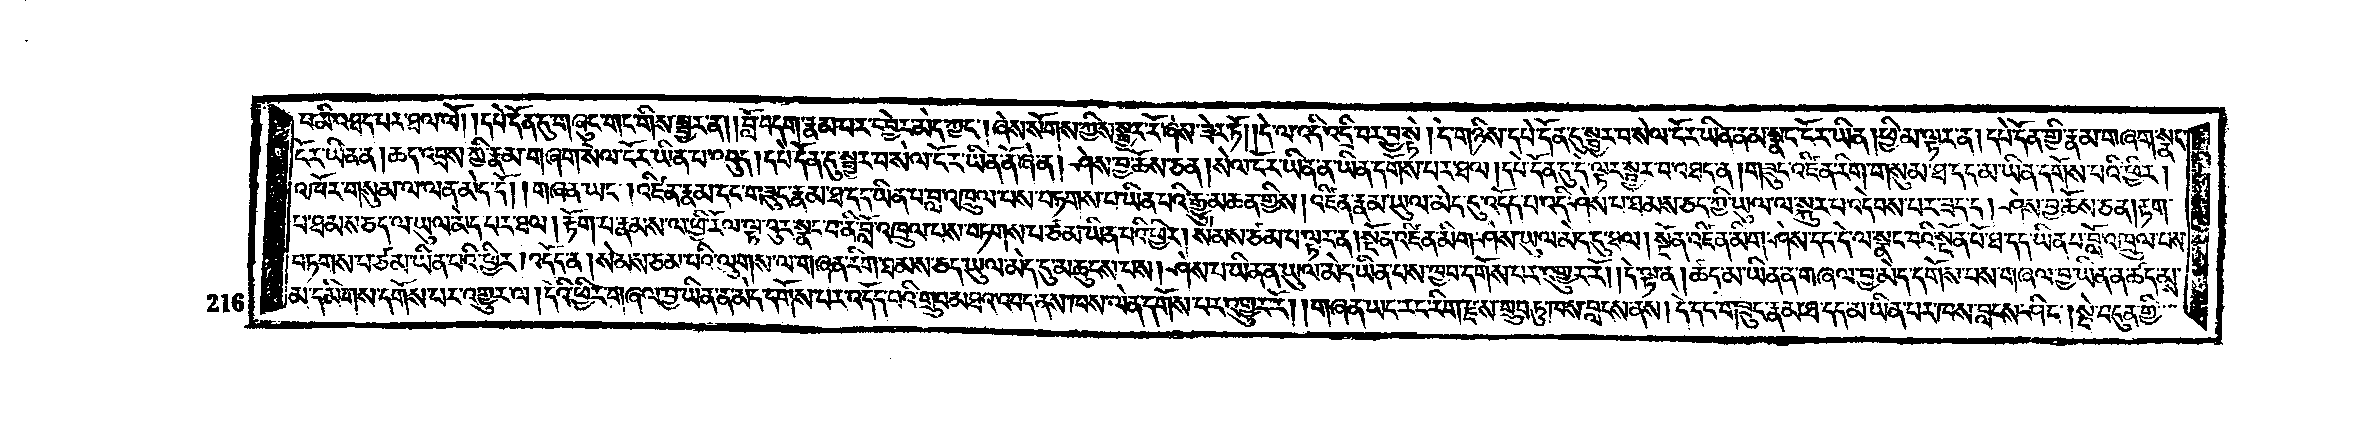པ་མི་འཐད་པར་ཐལ་ལོ། །དཔེ་དོན་དུ་གཞུང་གང་གིས་སྦྱར་ན། །བློ་བདག་རྣམ་པར་དབྱེར་མེད་ཀྱང་། ཞེས་སོགས་ཀྱིས་སྦྱར་རོ་ཞེས་ཟེར་ཏོ། །དེ་ལ་འདི་འདྲི་བར་བྱ་སྟེ། དེ་གཉིས་དཔེ་དོན་དུ་སྦྱར་བ་སེལ་ངོར་ཡིན་ནམ་སྣང་ངོར་ཡིན། ཕྱི་མ་ལྟར་ན། དཔེ་དོན་གྱི་རྣམ་གཞག་སྣང་
ངོར་ཡིན་ན། ཆད་འབྲས་ཀྱི་རྣམ་གཞག་སེལ་ངོར་ཡིན་པ་འབུད། དཔེ་དོན་དུ་སྦྱར་བ་སེལ་ངོར་ཡིན་ནོ་ཞེ་ན། ཤེས་བྱ་ཆོས་ཅན། སེལ་ངོར་ཡིན་ན་ཡིན་དགོས་པར་ཐལ། དཔེ་དོན་དུ་དེ་ལྟར་སྦྱར་བ་འཐད་ན། གཟུང་འཛིན་རིག་གསུམ་ཐ་དད་མ་ཡིན་དགོས་པའི་ཕྱིར།
འཁོར་གསུམ་ལ་ལན་མེད་དོ། །གཞན་ཡང་། འཛིན་རྣམ་དང་གཟུང་རྣམ་ཐ་དད་ཡིན་པ་བློ་འཁྲུལ་པས་བཏགས་པ་ཡིན་པའི་རྒྱུ་མཚན་གྱིས། འཛིན་རྣམ་ཡུལ་མེད་དུ་འདོད་པ་འདི་ཤེས་པ་ཐམས་ཅད་ཀྱི་ཡུལ་ལ་སྐུར་པ་འདེབས་པར་ཟད་དེ། ?་ཤེས་བྱ་ཆོས་ཅན། རྟག་
པ་ཐམས་ཅད་ལ་ཡུལ་མེད་?་པར་ཐལ། རྟོག་པ་རྣམས་ལ་ཕྱི་རོལ་ལྟ་བུར་སྣང་བ་ནི་བློ་འཁྲུལ་པས་བཏགས་པ་ཙམ་ཡིན་པའི་ཕྱིར། སེམས་ཙམ་པ་ལྟར་ན། སྔོན་འཛིན་མིག་ཤེས་ཡུལ་མེད་དུ་ཐལ། སྔོན་འཛིན་མིག་ཤེས་དང་དེ་ལ་སྣང་བའི་སྔོན་པོ་ཐ་དད་ཡིན་པ་བློ་འཁྲུལ་པས་
བཏགས་པ་ཙམ་ཡིན་པའི་ཕྱིར། འདོད་ན། སེམས་ཙམ་པའི་ལུགས་ལ་གཞན་རིག་ཐམས་ཅད་ཡུལ་མེད་དུ་མཚུངས་པས། ཤེས་པ་ཡིན་ན་ཡུལ་མེད་ཡིན་པས་ཁྱབ་དགོས་པར་འགྱུར་རོ། །དེ་ལྟ་ན། ཚད་མ་ཡིན་ན་གཞལ་བྱ་མེད་དགོས་པས་གཞལ་བྱ་ཡིན་ན་ཚད་མས་
མ་དམིགས་དགོས་པར་འགྱུར་ལ། དེའི་ཕྱིར་གཞལ་བྱ་ཡིན་ན་མེད་དགོས་པར་འདོད་པའི་གྲུབ་མཐའ་འབད་ནས་ཁས་ལེན་དགོས་པར་འགྱུར་རོ། །གཞན་ཡང་རང་རིག་རྫས་གྲུབ་ཏུ་ཁས་བླངས་ནས། དེ་དང་གཟུང་རྣམ་ཐ་དད་མ་ཡིན་པར་ཁས་བླངས་ཤིང་། སྡེ་བདུན་གྱི་